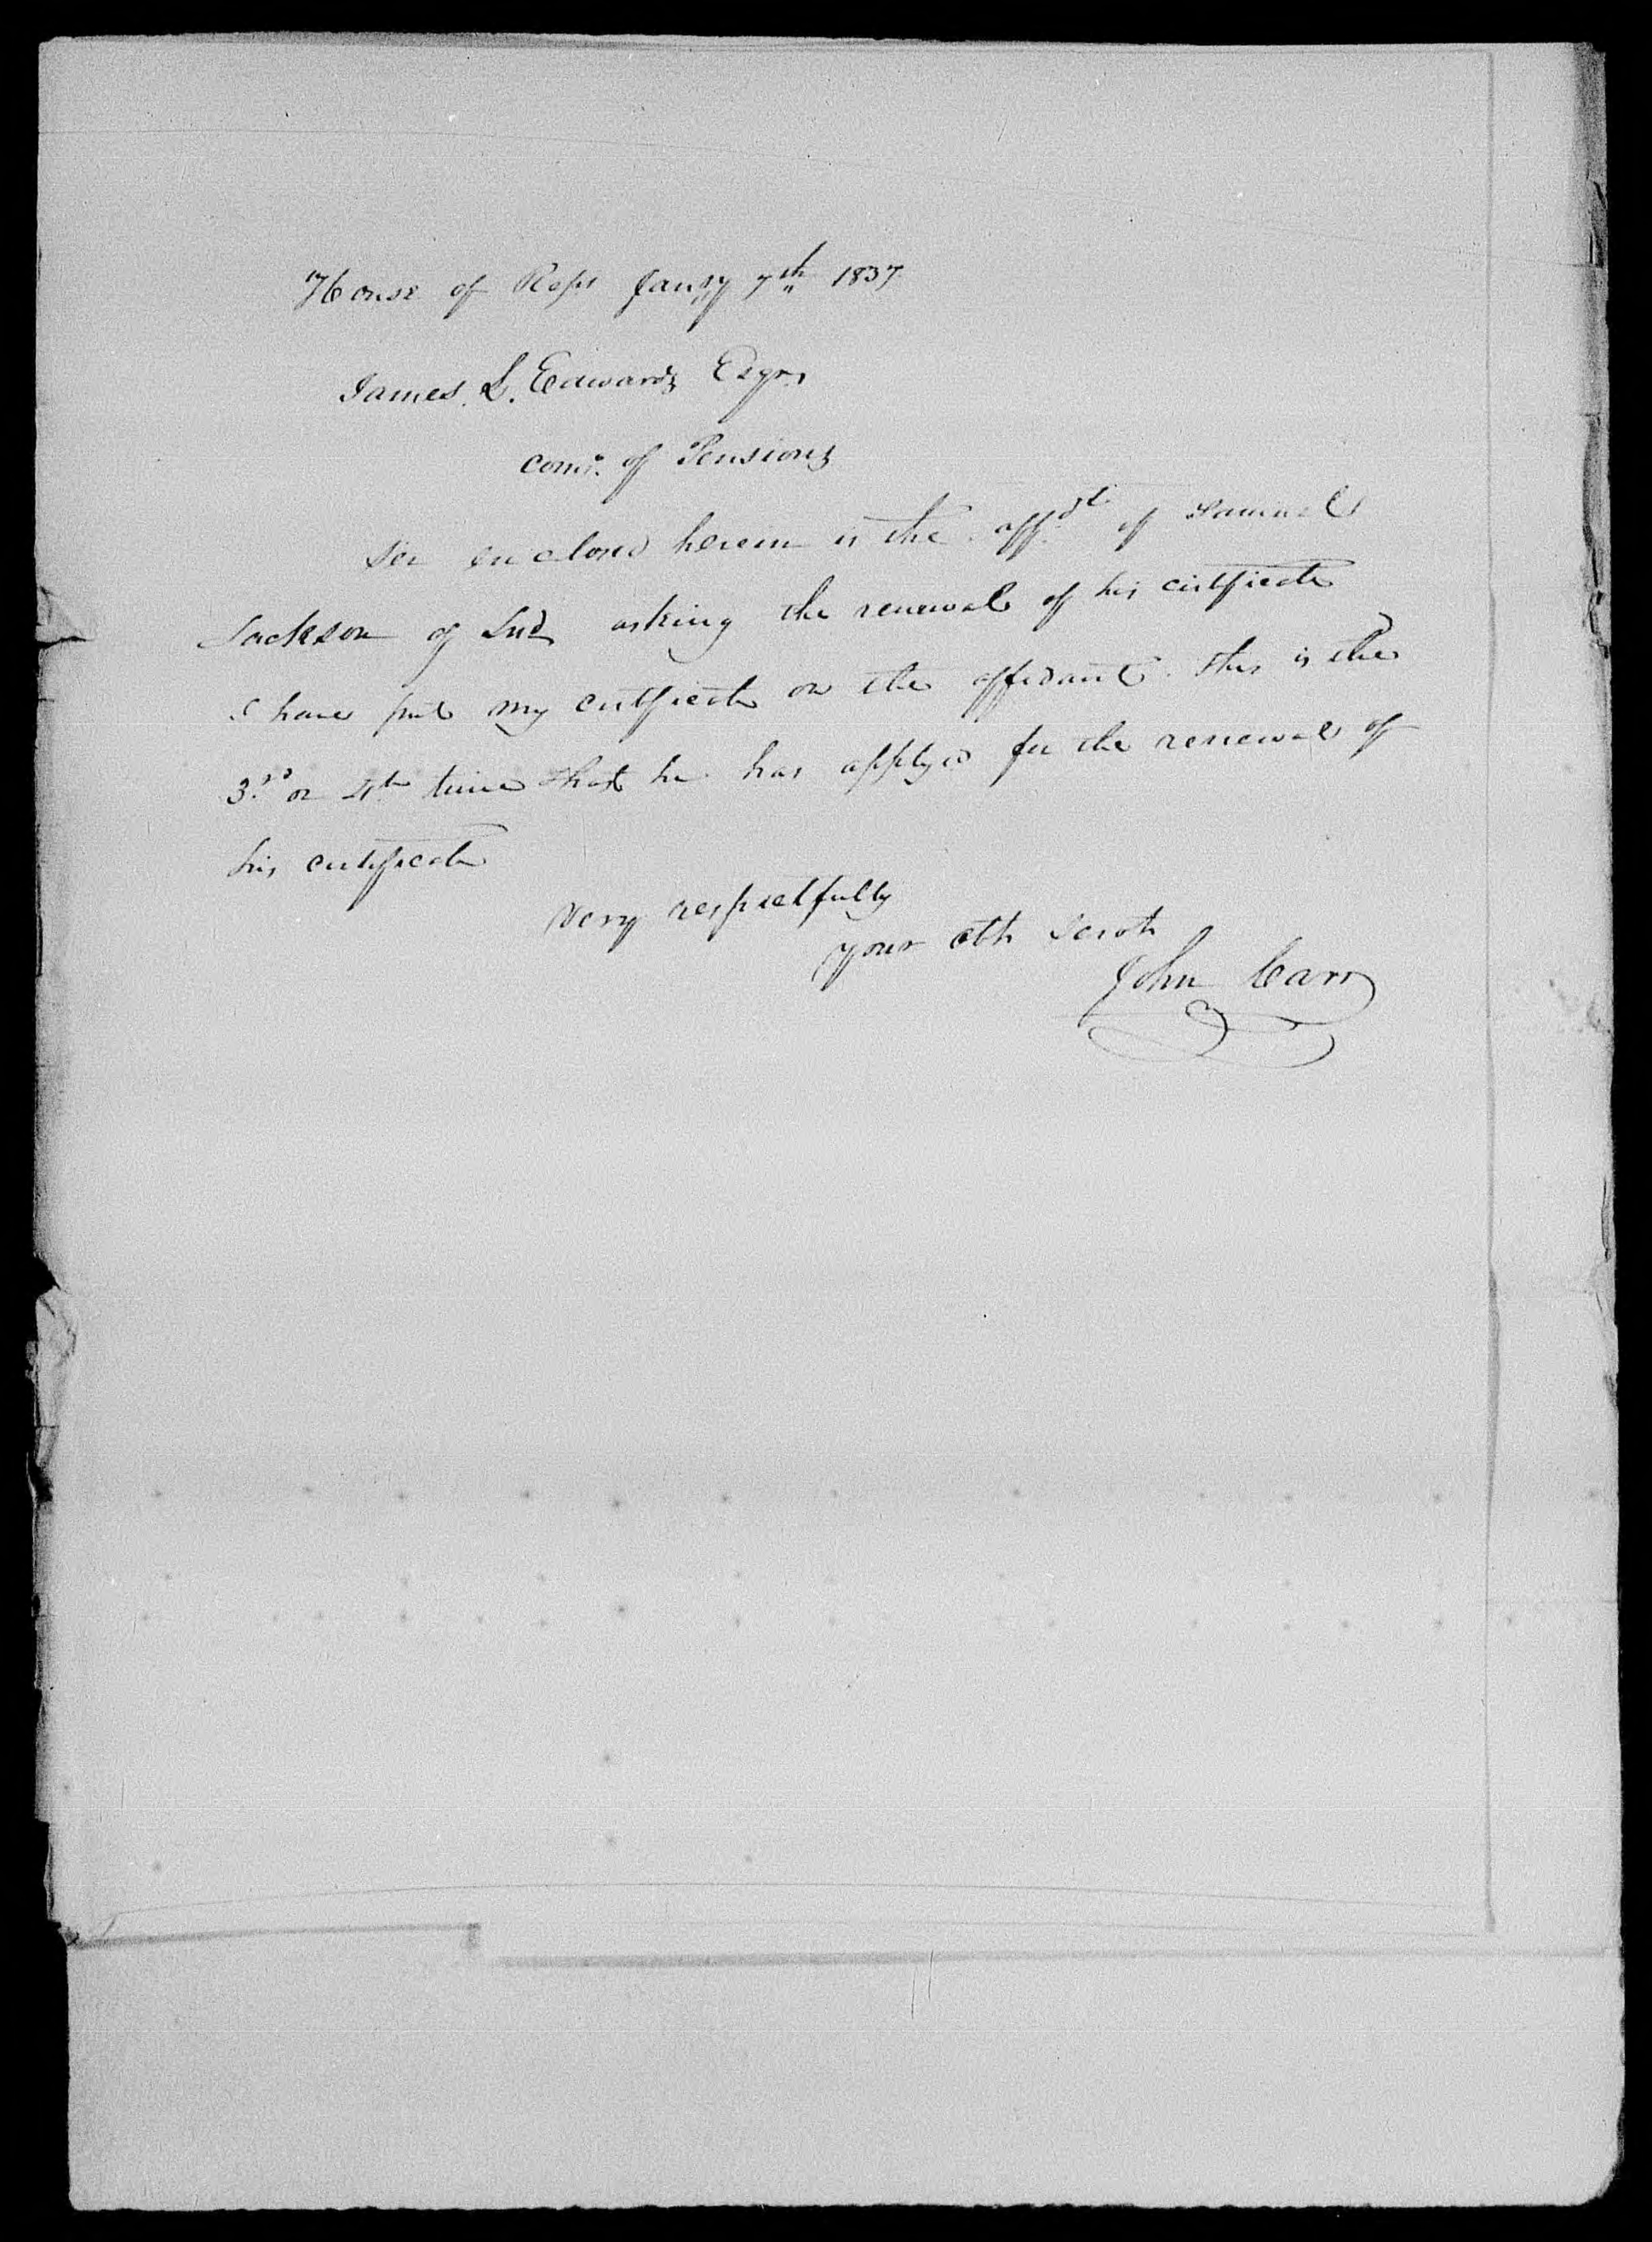House of Reps Jany 7th 1837

James L. Edwards Esqr. 
Com of Pensions

Sir enclosed herein is the affdt of Samuel 
Jackson of Ind asking the renewal of his certificate
I have put my certificate on the affidavit. This if the
3rd or 4th time that he has applyed for the renewal of
his certificate.

Very respectfully
your obt servt
John Carr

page: 41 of 56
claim: rejected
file: R 5529, for Samuel Jackson, Virginia